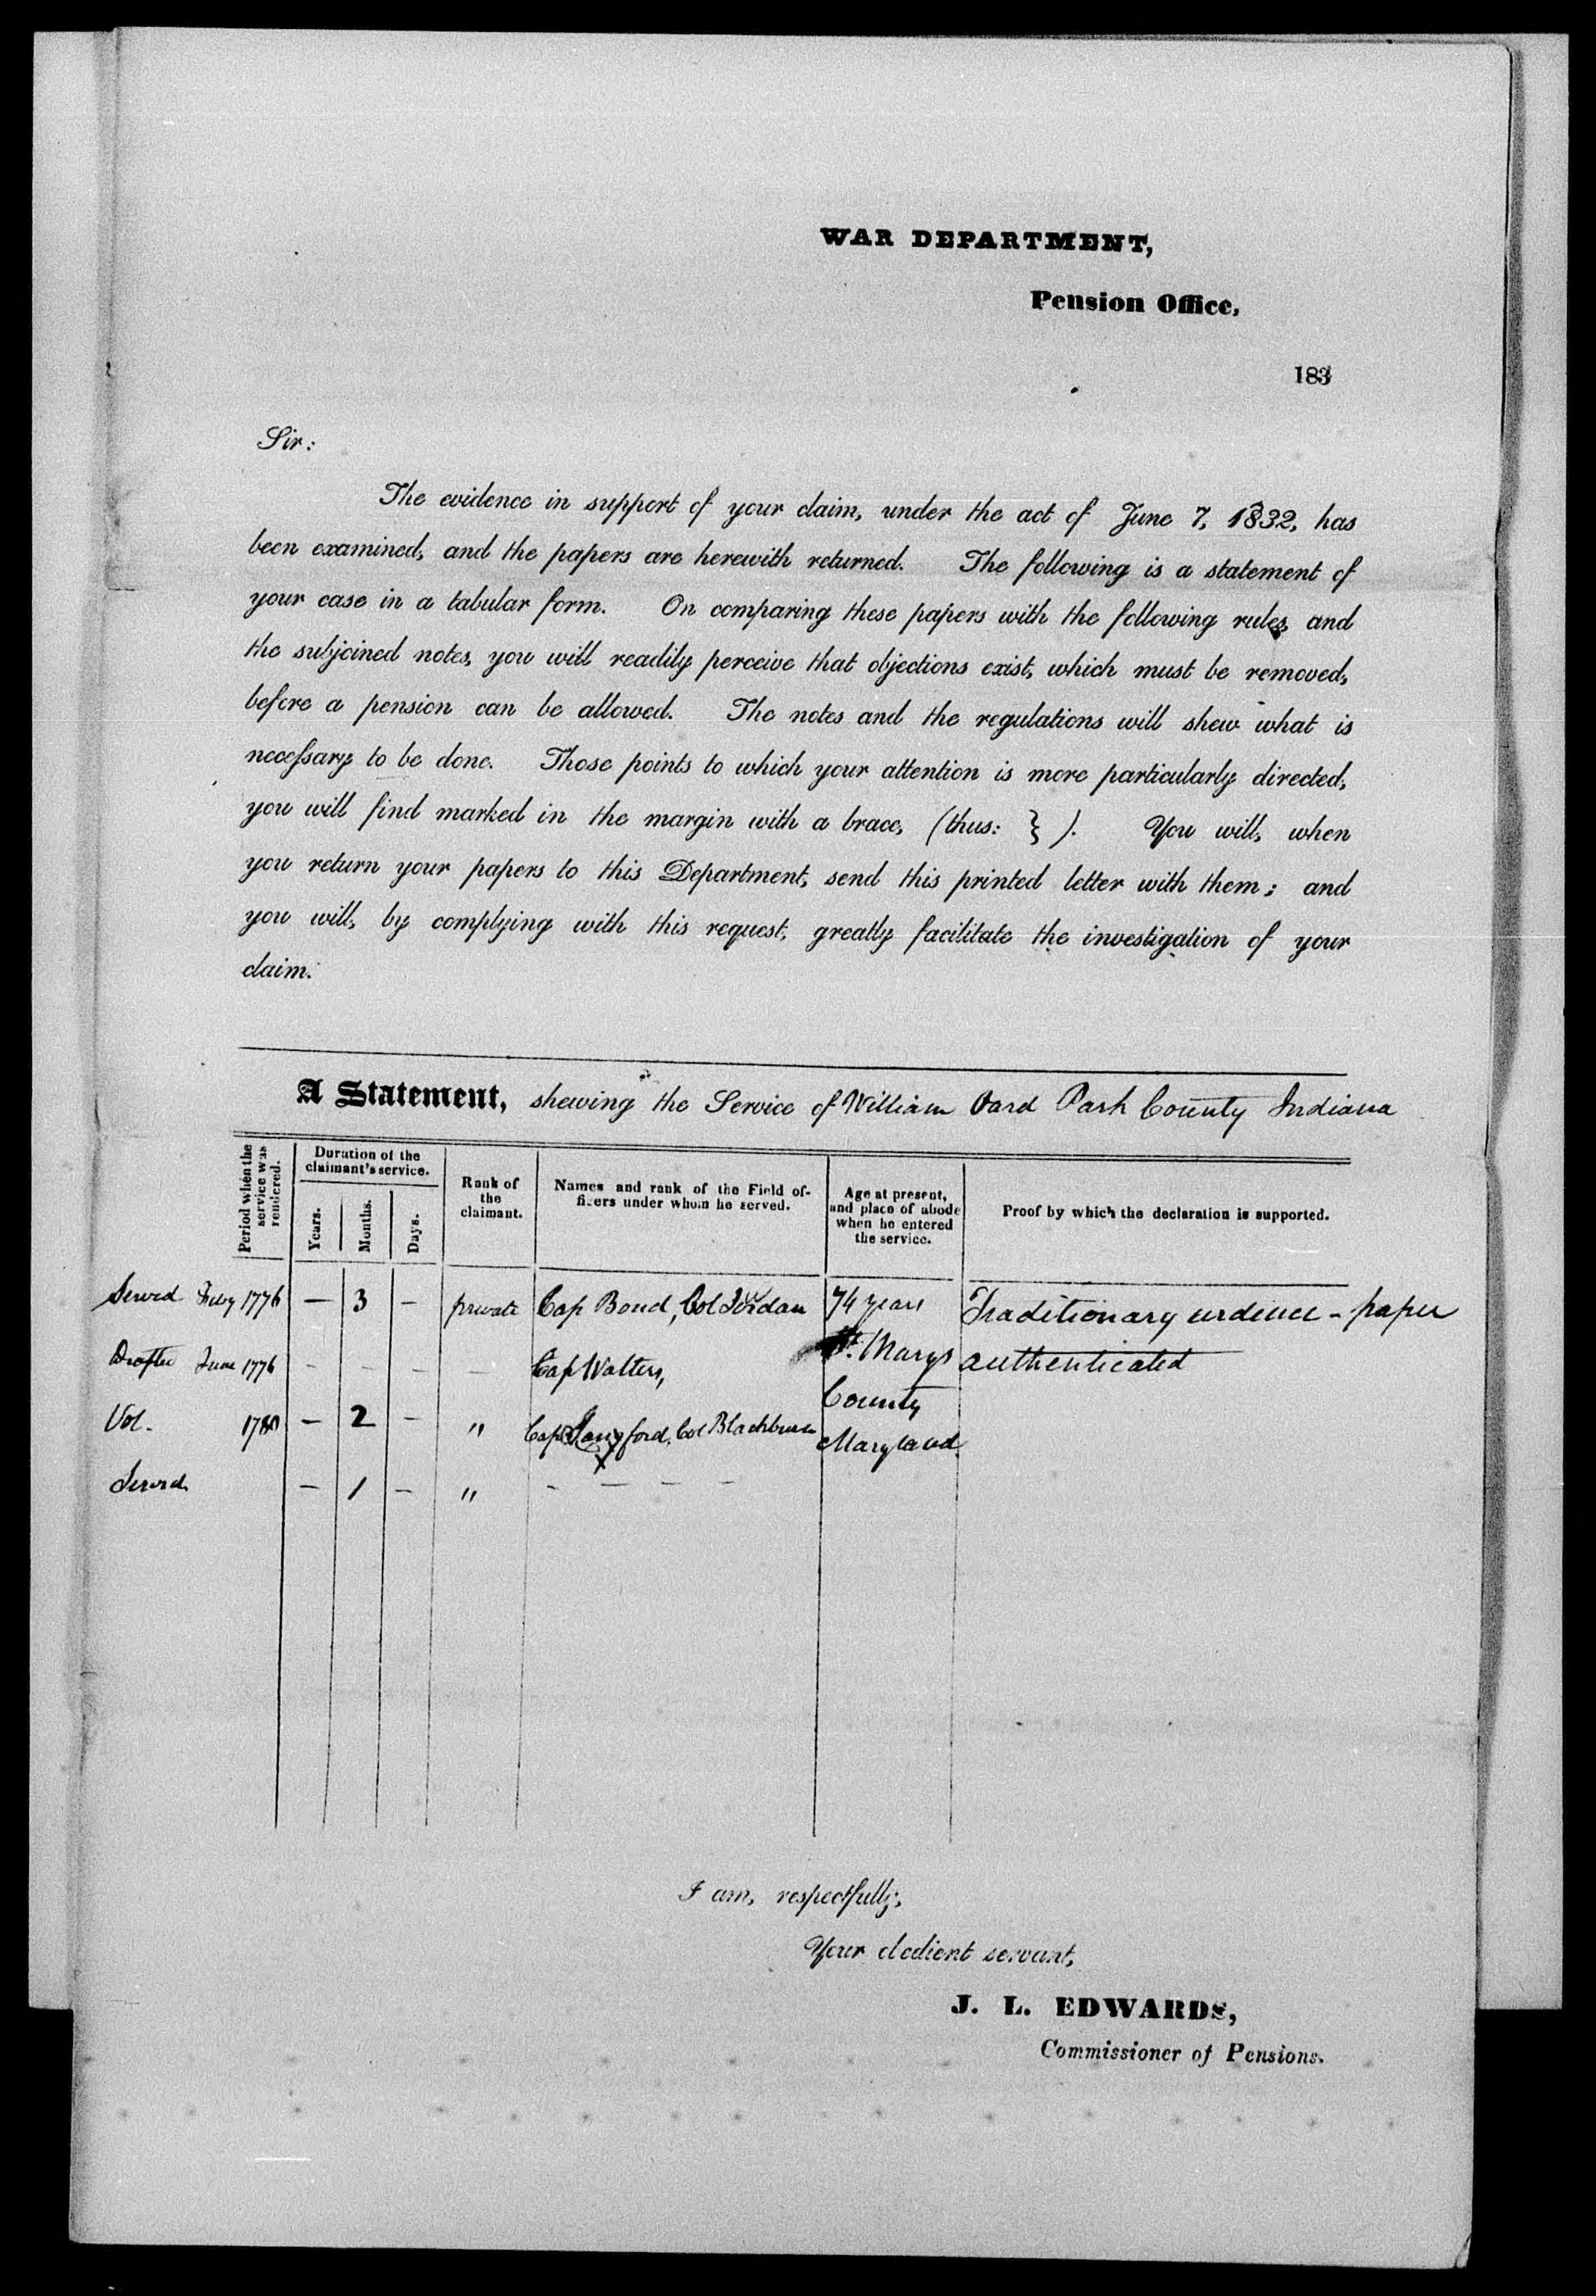War Department
Pension Office

Sir

The evidence is support of your claim under the act of June 7, 1832 has been examined and the papers are herewith returned. The following is a statement of your case in tabular form. On comparing these papers with the following rules and the subjoined notes you will readily perceive that objections exist which must be removed before a pension can be allowed. The notes and the regulations will show what is necessary to be done. These points to which your attention is more particularly directed you will find marked in the margin with a brace, (thus : }). You will when you return your papers to this department send this printed letter with them and you will by complying with this request greatly facilitate the investigation of your claim.

A Statement showing the service of William Oard Park County Indiana

Period when the service was rendered:
1. Served Feb 1776
2. Drafted Jun 1776
3. Vol 1780
4. Served

Duration of the claimant's service:
1. 3 months
2. blank
3. 2 months
4. 1 month

Rank of the Claimant:
1. Private
2. Private
3. Private
4. Private

Names and rank of the Field officers under whom he served:

1. Capt. Bond, Col Jourdan
2. Capt. Walters
3. Capt. Langford Col Blackburn
4. blank

Age at present an place of abode when he entered the service:
74 years St. Mary's County, Maryland

Proof by which the declaration is supported;
Traditionary evidence - paper authenticated

I am respectfully
your obedient servant
J.L. Edwards
Commissioner of Pensions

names: J L Edwards; [BLANK] Bond; [BLANK] Jordan; [BLANK] Walters; William Oard; [BLANK] Blackburn; [BLANK] Sangford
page: 11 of 18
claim: survivor's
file: S. 16,496, for William Oard, Maryland